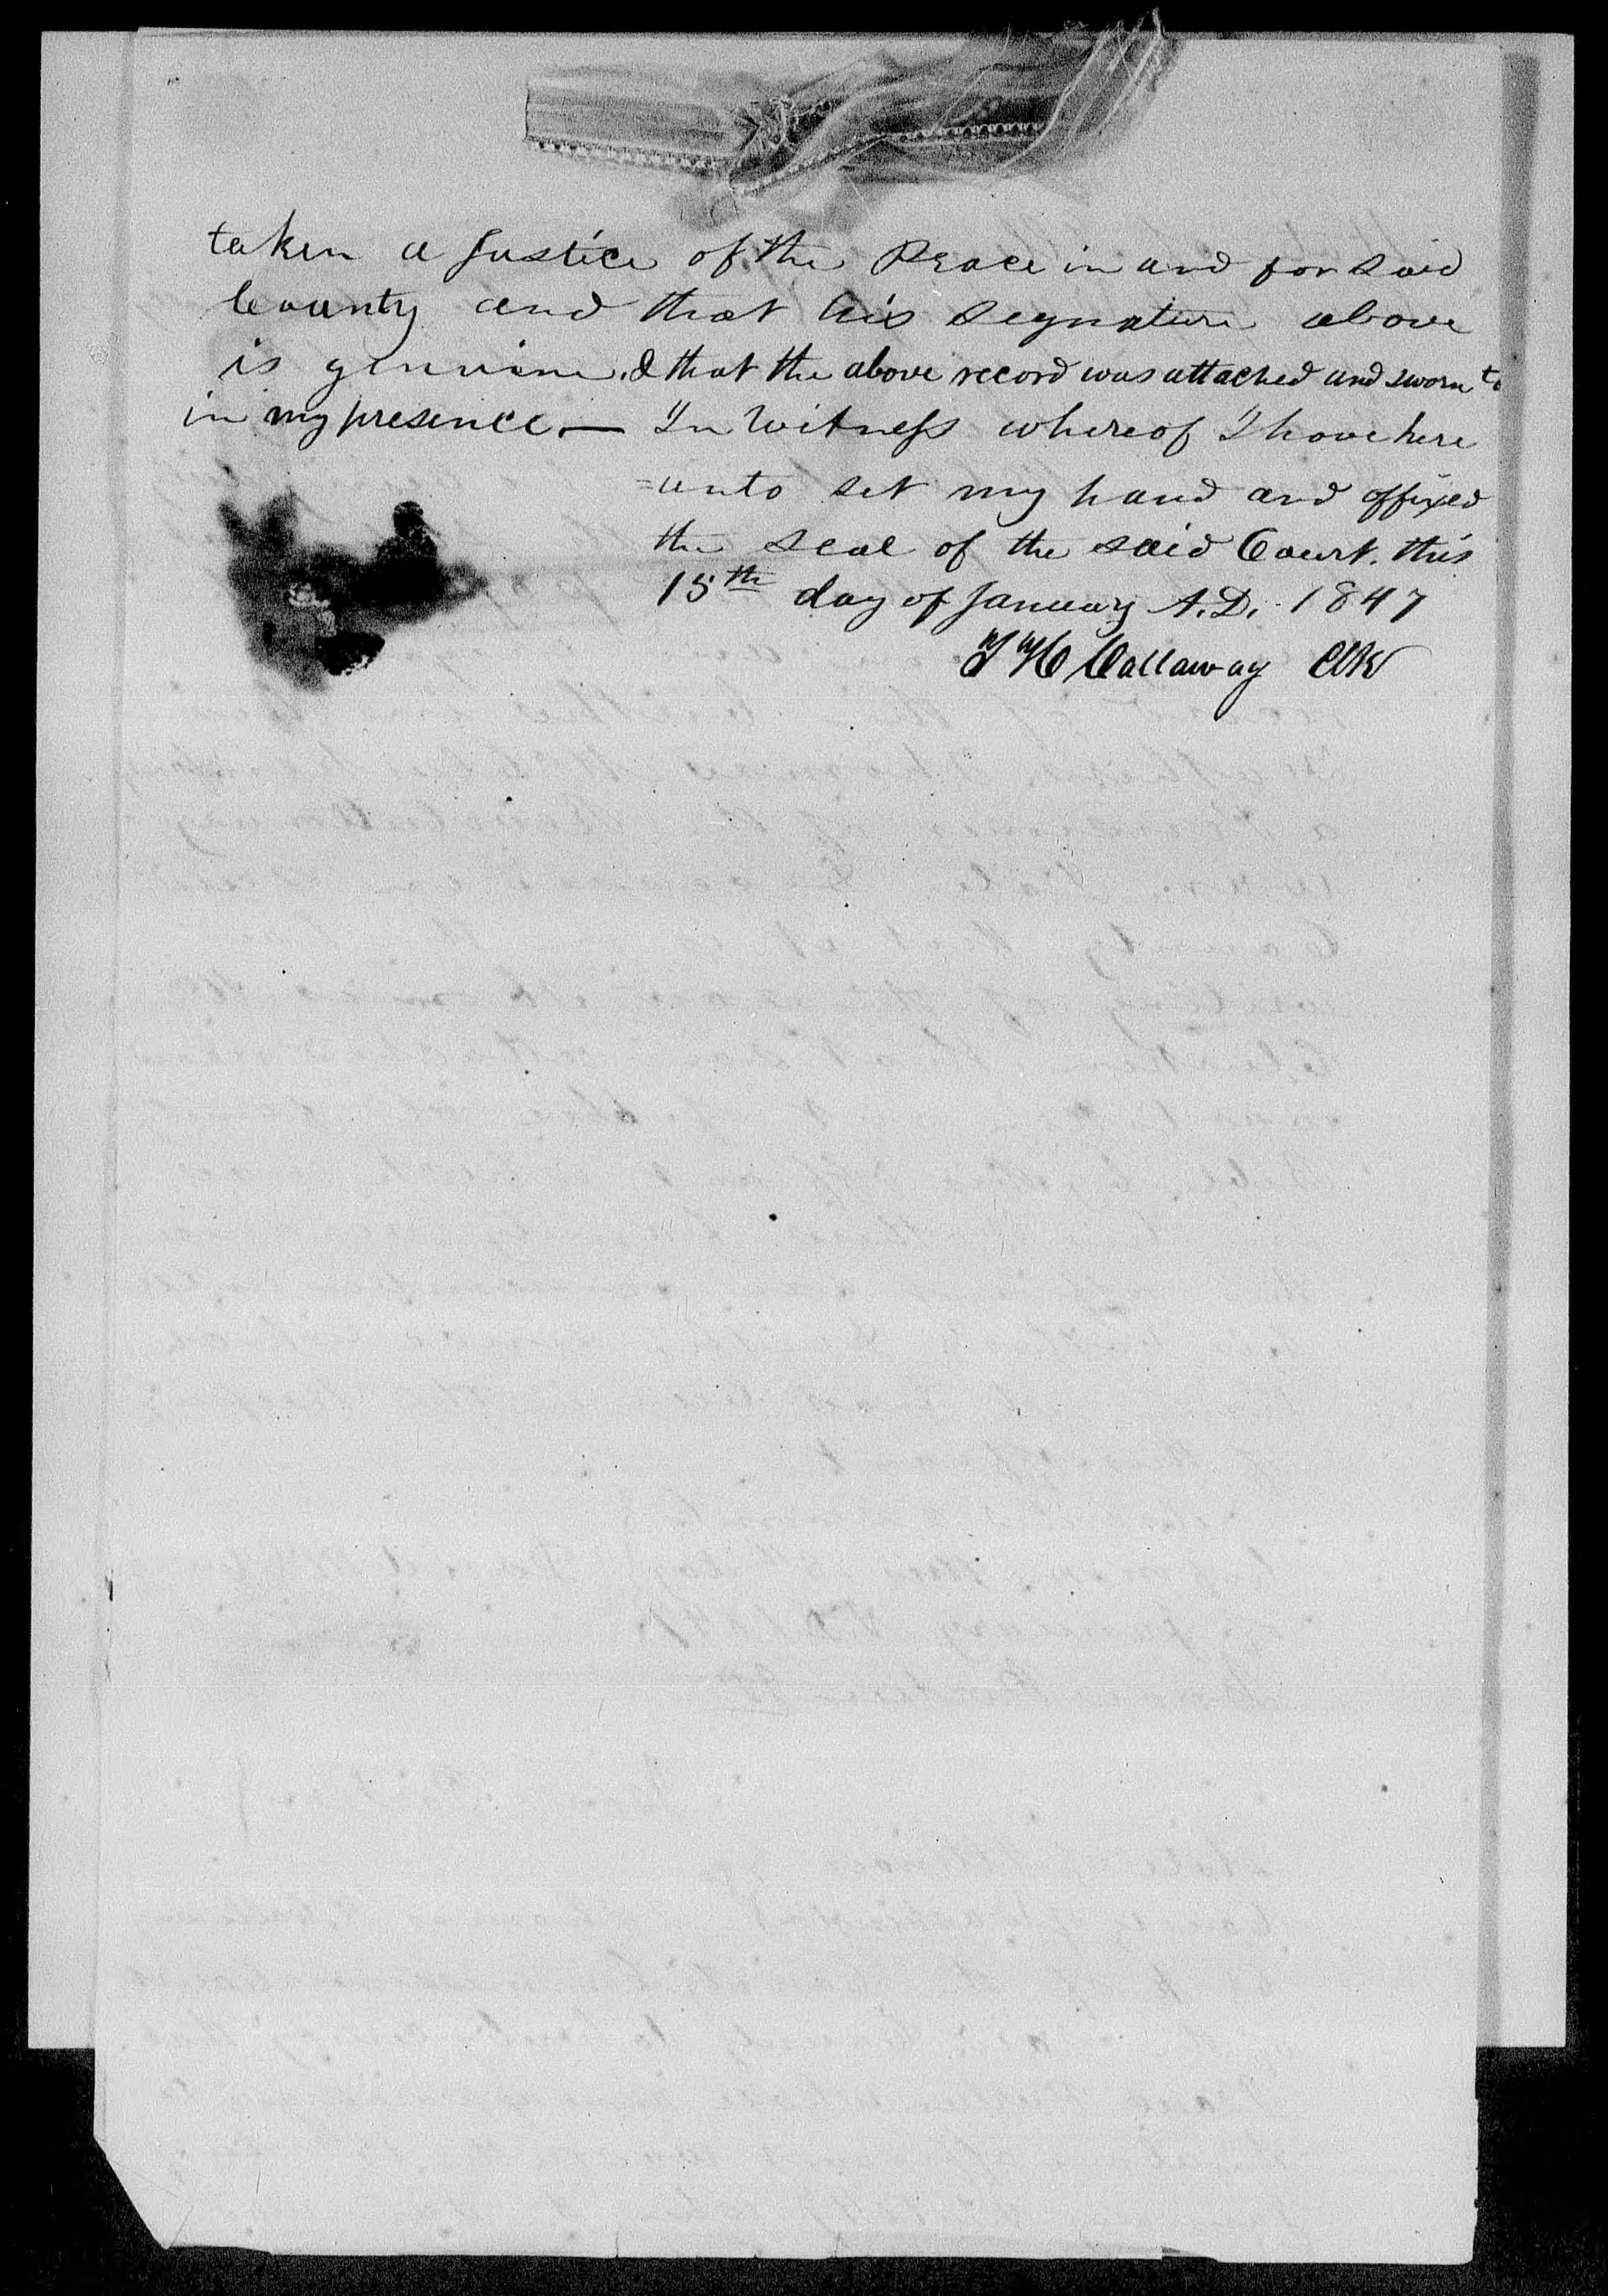taken a Justice of the Peace in and for said County and that his signature above 
is genuine & that the above record was attached and sworn to 
in my presence. In witness whereof I have here unto set my hand and affixed 
the Seal of the said Court this 
15th day of January A.D. 1847

TH Callaway Clk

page: 74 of 93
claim: widow's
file: W. 21792, for Thomas Mc Clurken, South Carolina